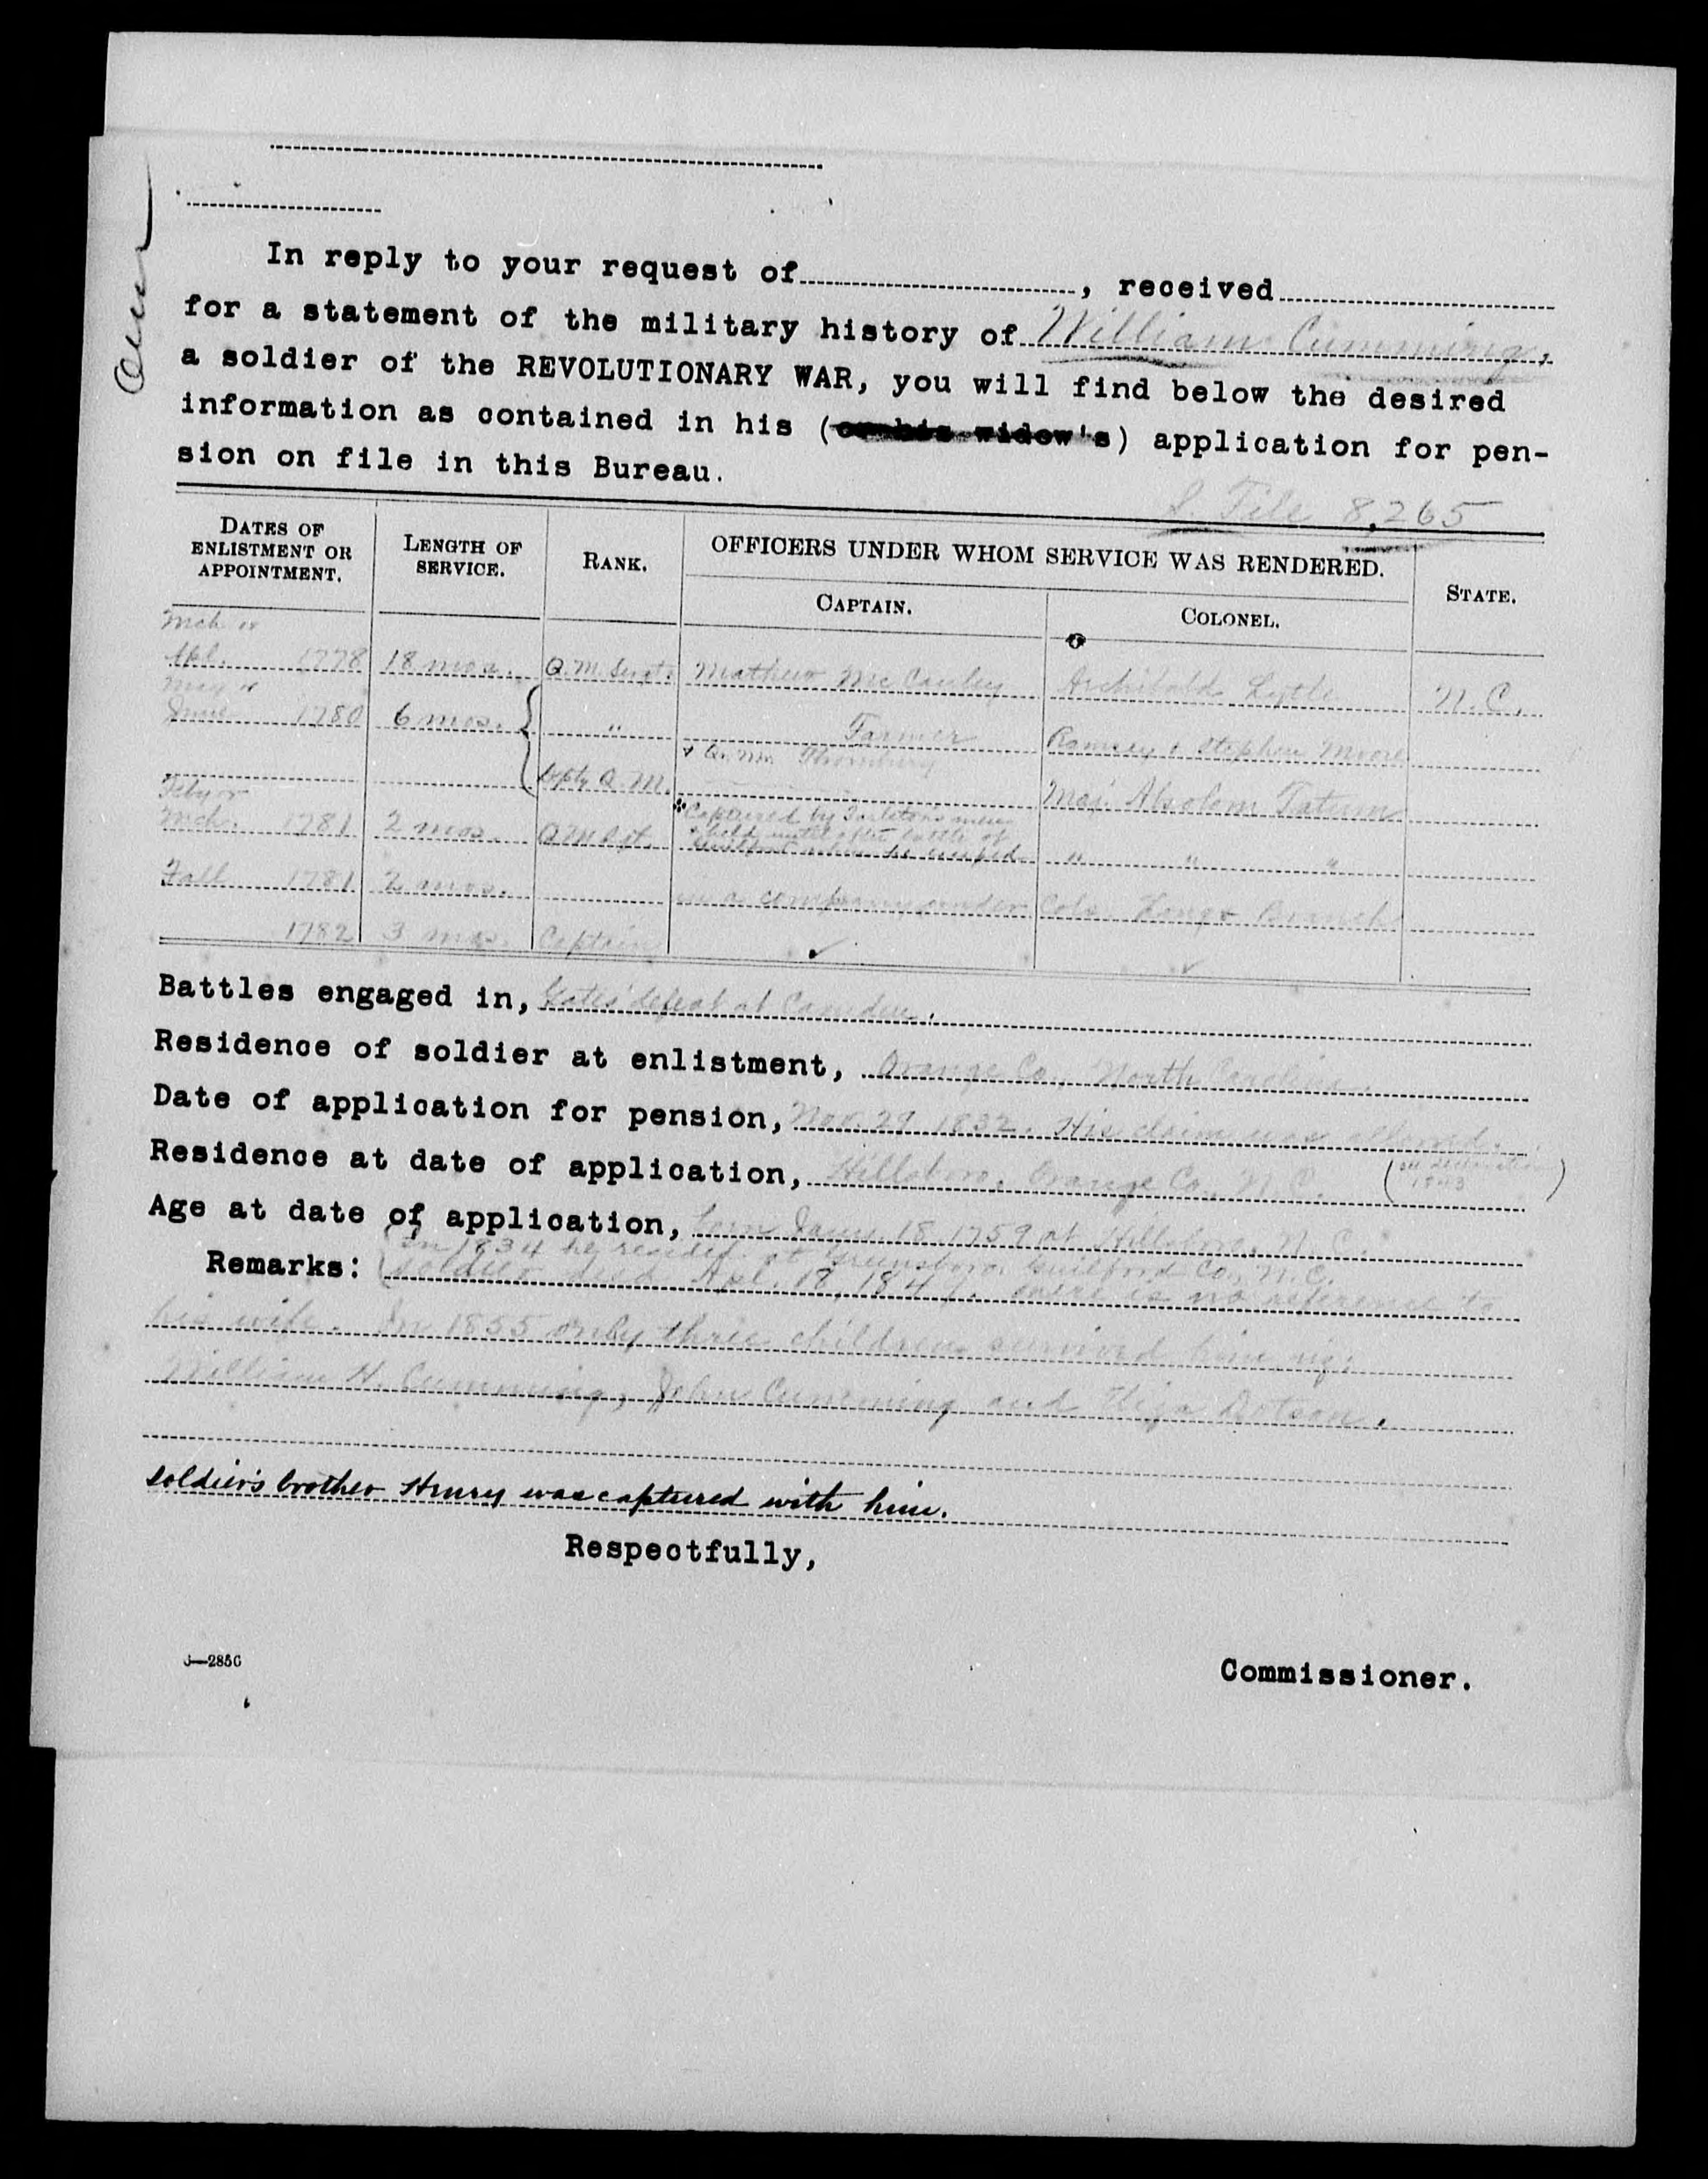[Printed form, with handwritten entries]
[Near the top left corner of the page, written perpendicularly, there is:] Over

[Typed form begins:]  In reply to your request of ______, received ______ for a statement of the military history of William Cumming, a soldier of the REVOLUTIONARY WAR, you will find below the desired information as contained in his [here "or his widow's" was crossed through] application for pension on file in this Bureau.

[Handwritten and underlined:] S. File 8,265
_______________________________________________________________________________________________________________
[PRINTED TABLE CATEGORIES]
DATES OF ENLISTMENT OR APPOINTMENT. l  LENGTH OF SERVICE.  l  RANK.  l OFFICERS UNDER WHOM SERVICE WAS RENDERED.  [Sub-categories listed below were:] CAPTAIN.  l  COLONEL.  l  STATE.

[Handwritten answers:]
Mch [here is a tiny number which appears to be:] 18
Apl. 1778.  l  18 mos. l Q M. Sergt. l  [Under Captain:] Mathew McCauley l  [Under Colonel:] Archibald Lytle l N.C.

May [here there's a possible small number:] 4 
June 1780 l 6 mos. (Q. M. Sergt [under Captain category:] Farmer [and Colonels} Ramsey and Stephen Moore.

[In the rank of Captain category, there is written:] & Qr. Mr. Thornbury. 

[Under the Rank category:] Dpty Q. M [is followed by a wavy line under the Captain category, and] Maj. Absolem Tatum [under the Colonel category]. 

Feby or Mrch. 1781 l 2 mos. Q M Sgt. l  [Next there is a special hand-drawn notation mark, then:] Captured by Tarleton's men and held until after battle of Guilford when he escaped.

[Under Colonel category:]  Maj. Absolem Tatum

Fall 1781  l  2 mos l ___  l in a company under Cols. Long and Branch 

1782 [  3 mos. l  Captain  l [Under both the Captain and Colonel categories, there are check marks.]

Battles engaged in, Gates' defeat at Camden. 

Residence of soldier at enlistment, Orange Co., North Carolina.

Date of application for pension, Nov. 29, 1832.  His claim was allowed.  

Residence at date of application, Hillsboro, Orange Co., N.C. (see [illegible] 1843) 

Age at date of application, born[?] Jany 18, 1759 at Hillsboro, N.C.

Remarks:  (In 1834 he resided at Greensboro, Guilford Co., N.C.
soldier died Apl. 18, 1849.  There is no reference to his wife.  In 1855 only three children survived him viz:  William H. Cumming, John Cumming and Eliza Dotson.

[Added in dark ink:]  soldier's brother Henry was captured with him. 

Respectfully, [blank] Commissioner.

[Small, hard-to-read number, possibly;] 6-2856 [or 6-2836]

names: William H Cumming, Mathew Mc Cauley, William Cumming, Farmer, Eliza Dotson, Archibald Lytle, Ann Thornbury, Absolem Tatum, Forge Branch, Ramsey Stephen Moore, John Cumming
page: 12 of 145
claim: survivor's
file: S. 8265, William Cumming, N.C.